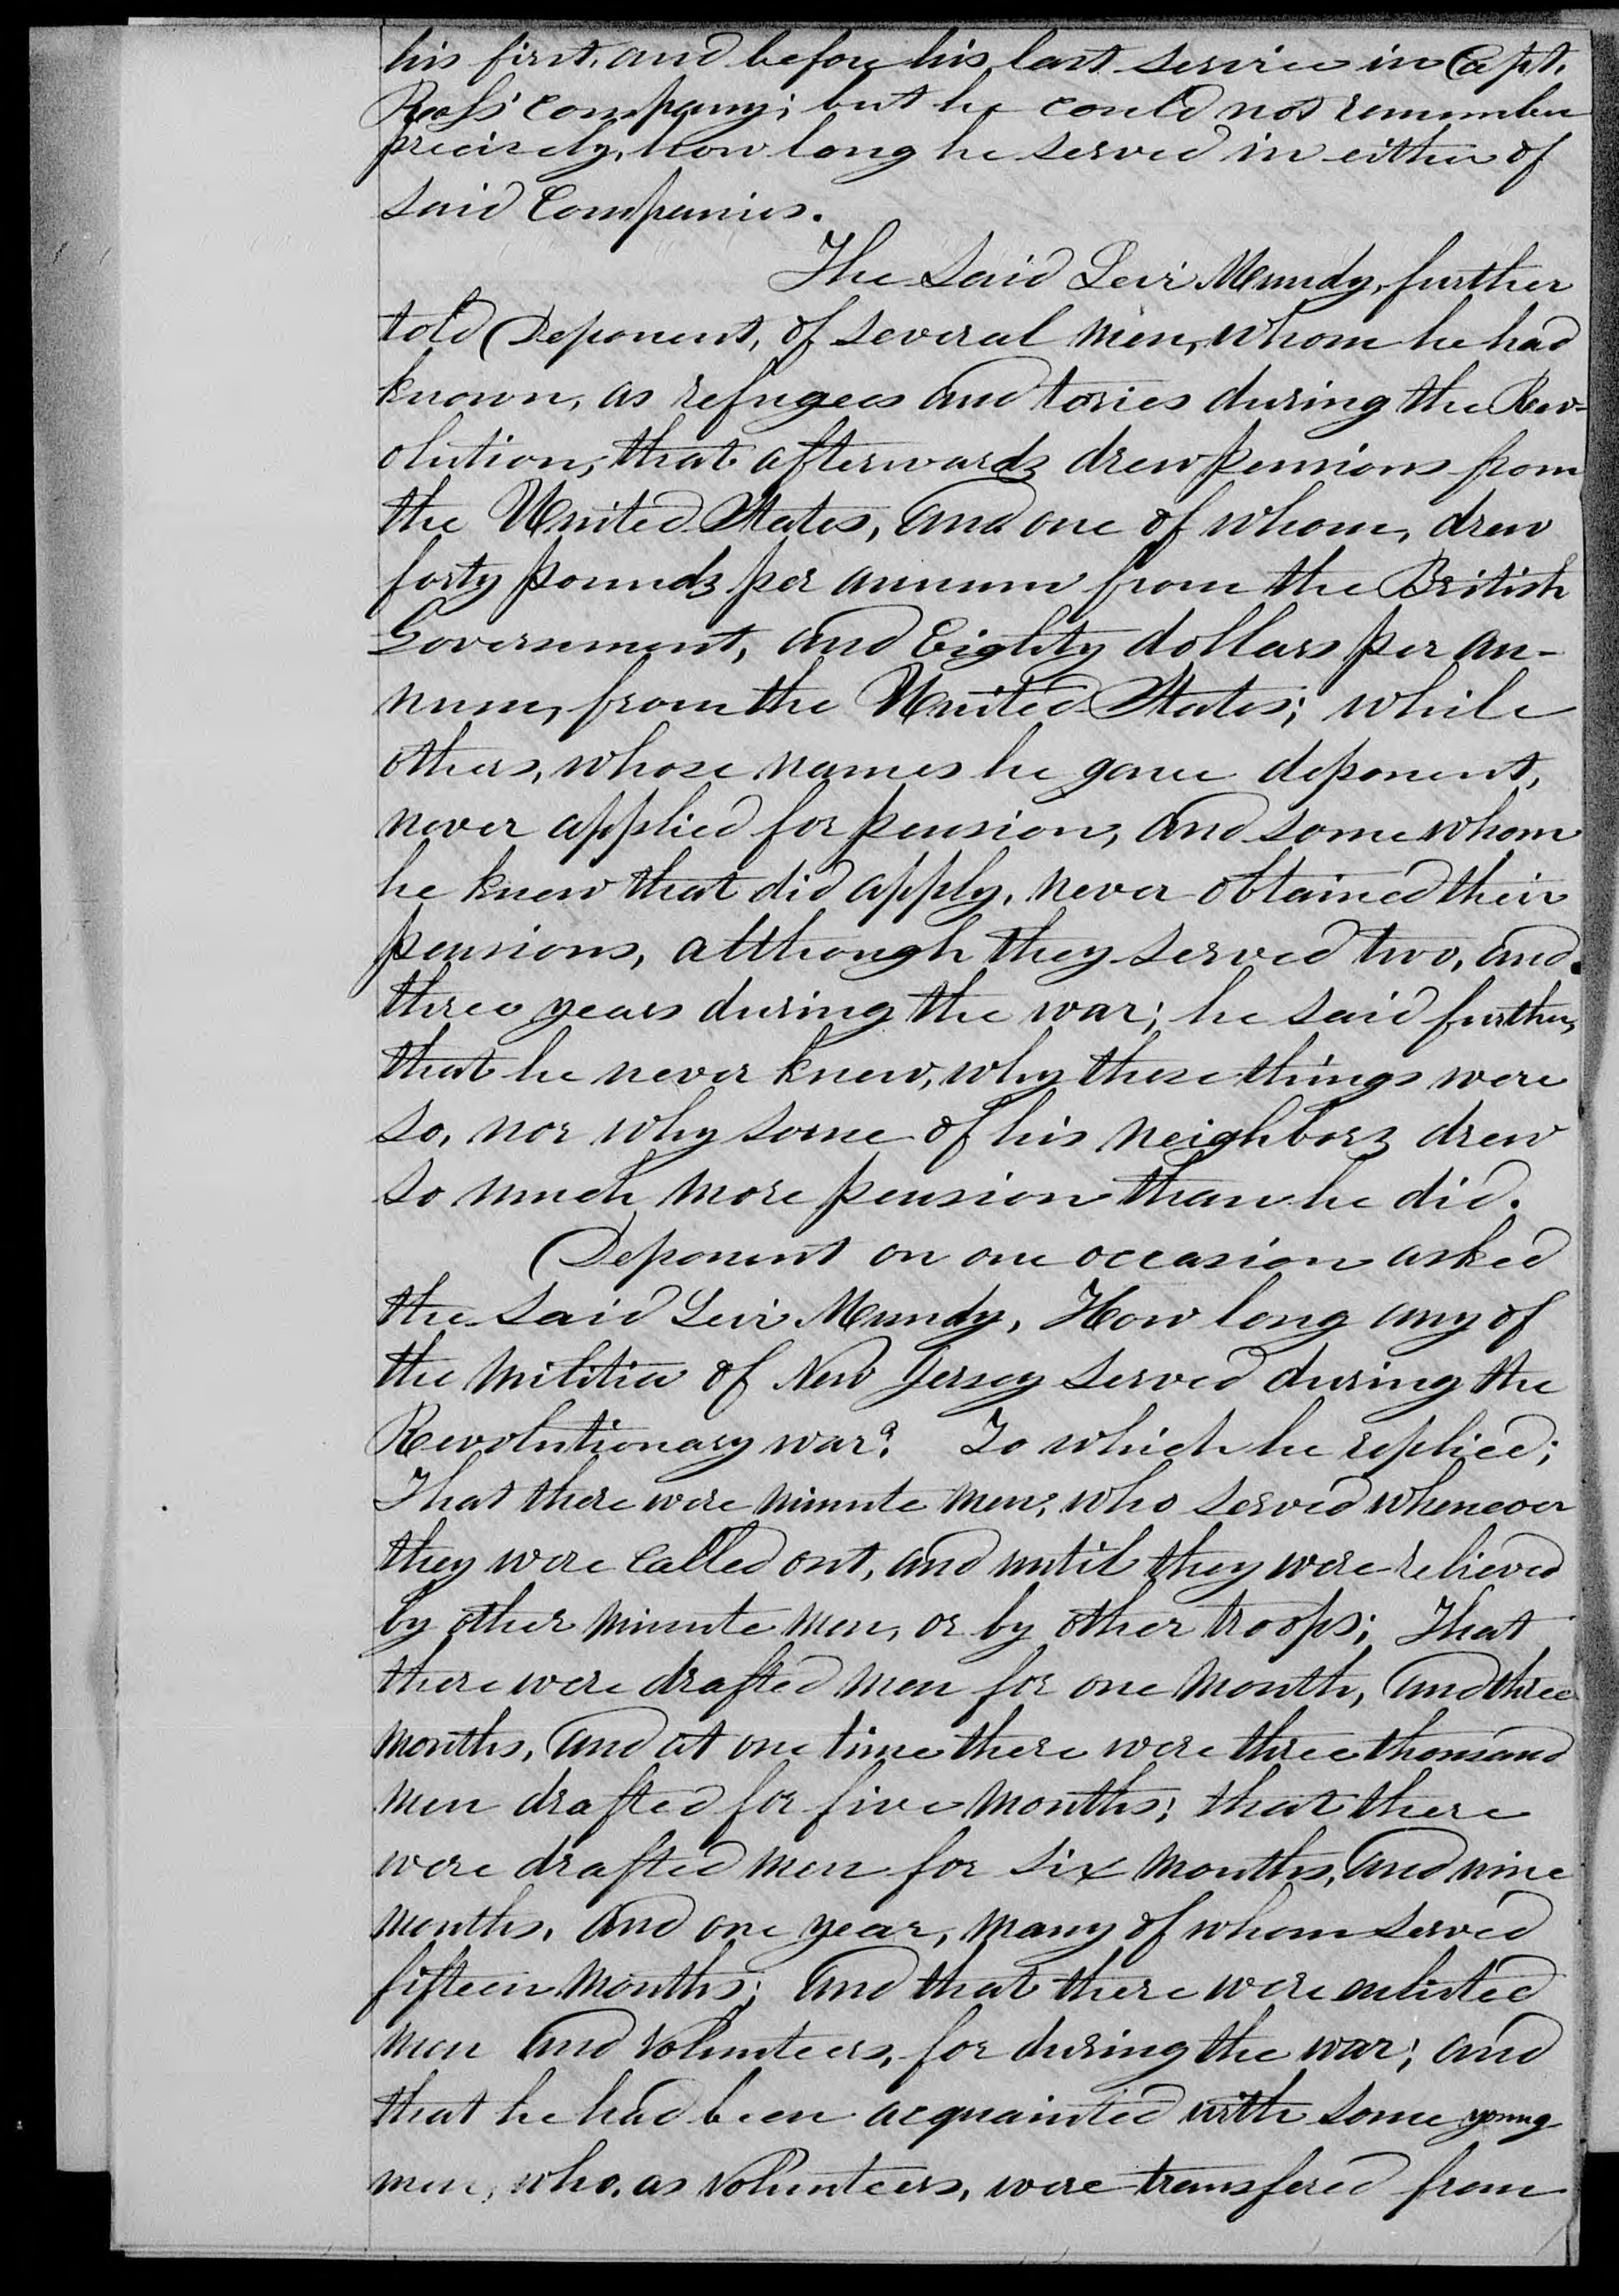...his first and before his last service in Capt. Ross' company, but he could not remember precisely how long he served in either of said companies.

The said Levi Mundy further told deponent of several men whom he had known as refugees and Tories during the Revolution, that afterwards drew pensions from the United States and one of whom drew Forty pounds per annum from the British Government, and Eighty dollars per annum from the United States; while
others whose names he gave deponent, never applied for pension and some whom he knew that did apply, never obtained their pensions, although they served two and three years during the war; he said further that he never knew why these things were so, nor why some of his neighbors drew so much more pension than he did.

Deponent on one occasion asked the said Levi Money, how long any of the militia of New Jersey served during the Revolutionary War? To which he replied that there were Minutemen who served whenever they were called out and until they were relieved by other Minutemen or by other troops. That there were drafted men for one month and three months and at one time there were three thousand men drafted for five months. That there were drafted men for six months and nine months and one year, many of whom served fifteen months. And that there were enlisted men and volunteers, for during the war; and that he had been acquainted with some young men who, as volunteers, were transferred from...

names: Levi Mundy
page: 20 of 95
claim: survivor's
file: S 2889, for Levi Mundy, New Jersey